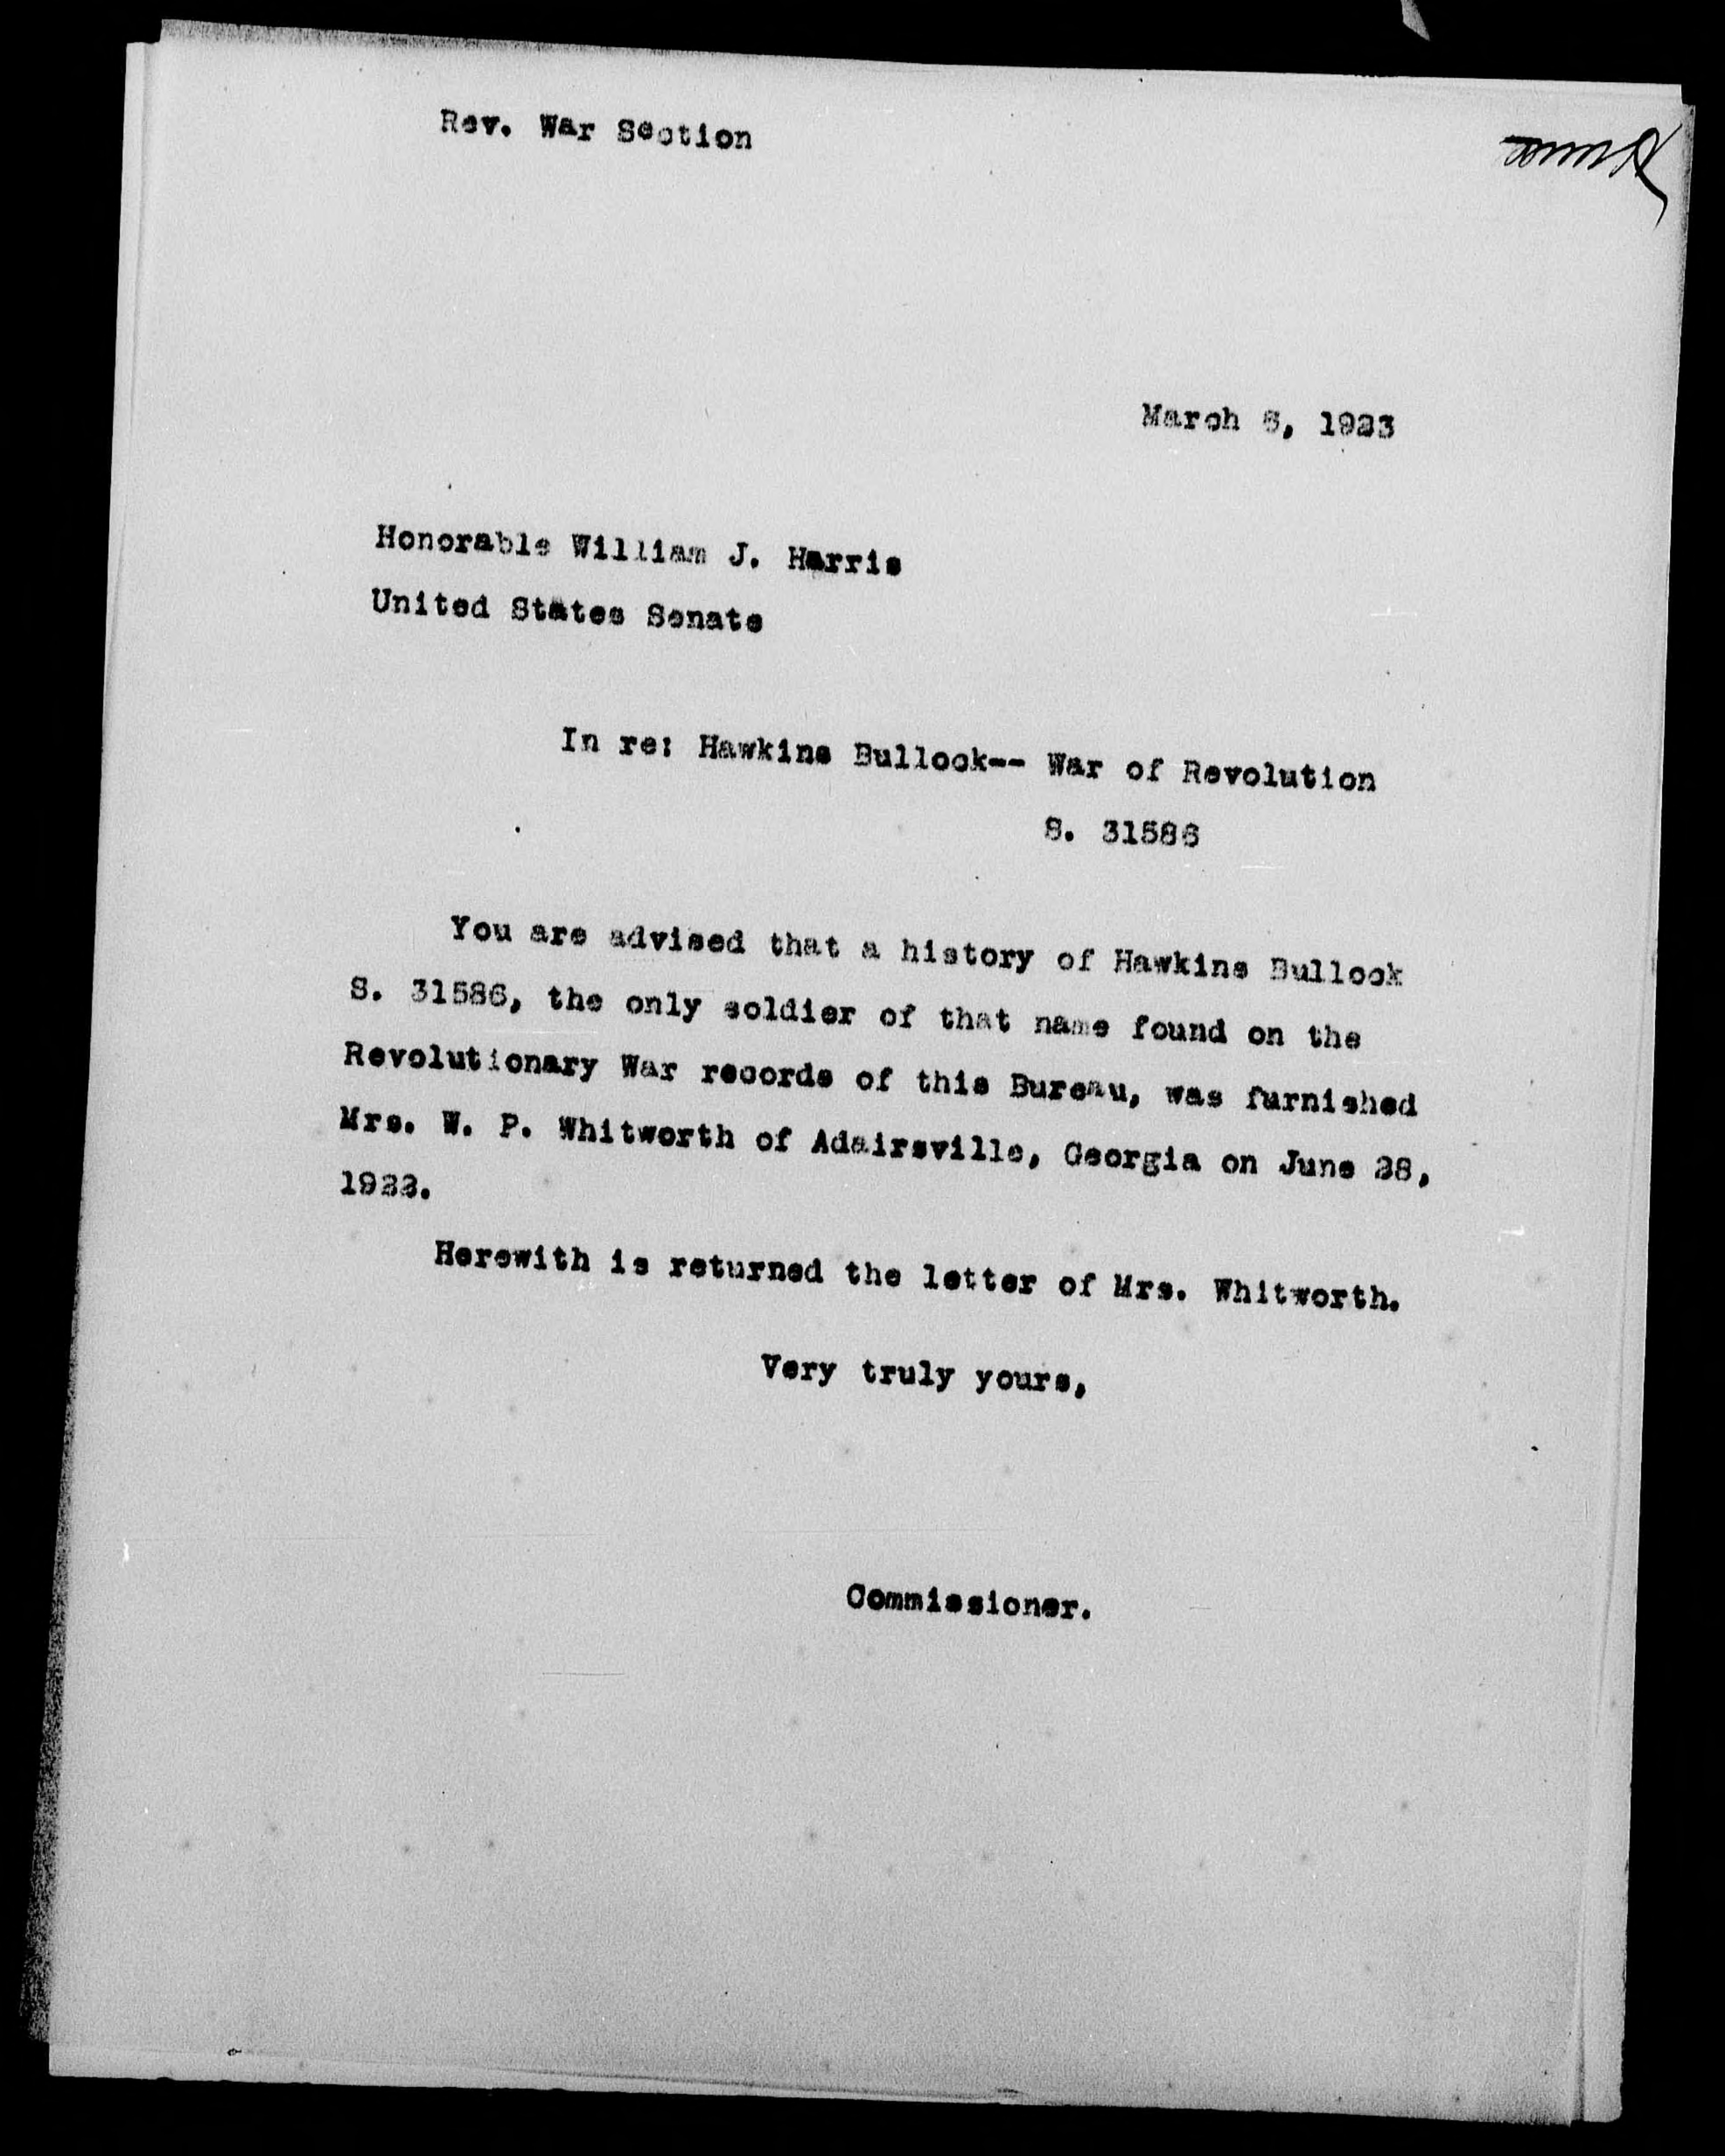Rev. War Section

March 6, 1923

Honorable William J. Harris
United States Senate

In re: Hawkins Bullock - War of Revolution S. 31586

You are advised that a history of Hawkins Bullock S. 31586, the only soldier of that name found on the Revolutionary War records of this Bureau, was furnished Mrs. W. P. Whitworth of Adairsville, Georgia on June 28, 1922.
Herewith is returned the letter of Mrs. Whitworth.
Very truly yours,
Commissioner.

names: Whitworth, Hawkins Bullock, Hawkins Bullock, William J Harris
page: 23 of 24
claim: survivor's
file: S. 31,586, Hawkins Bullock, S.C.